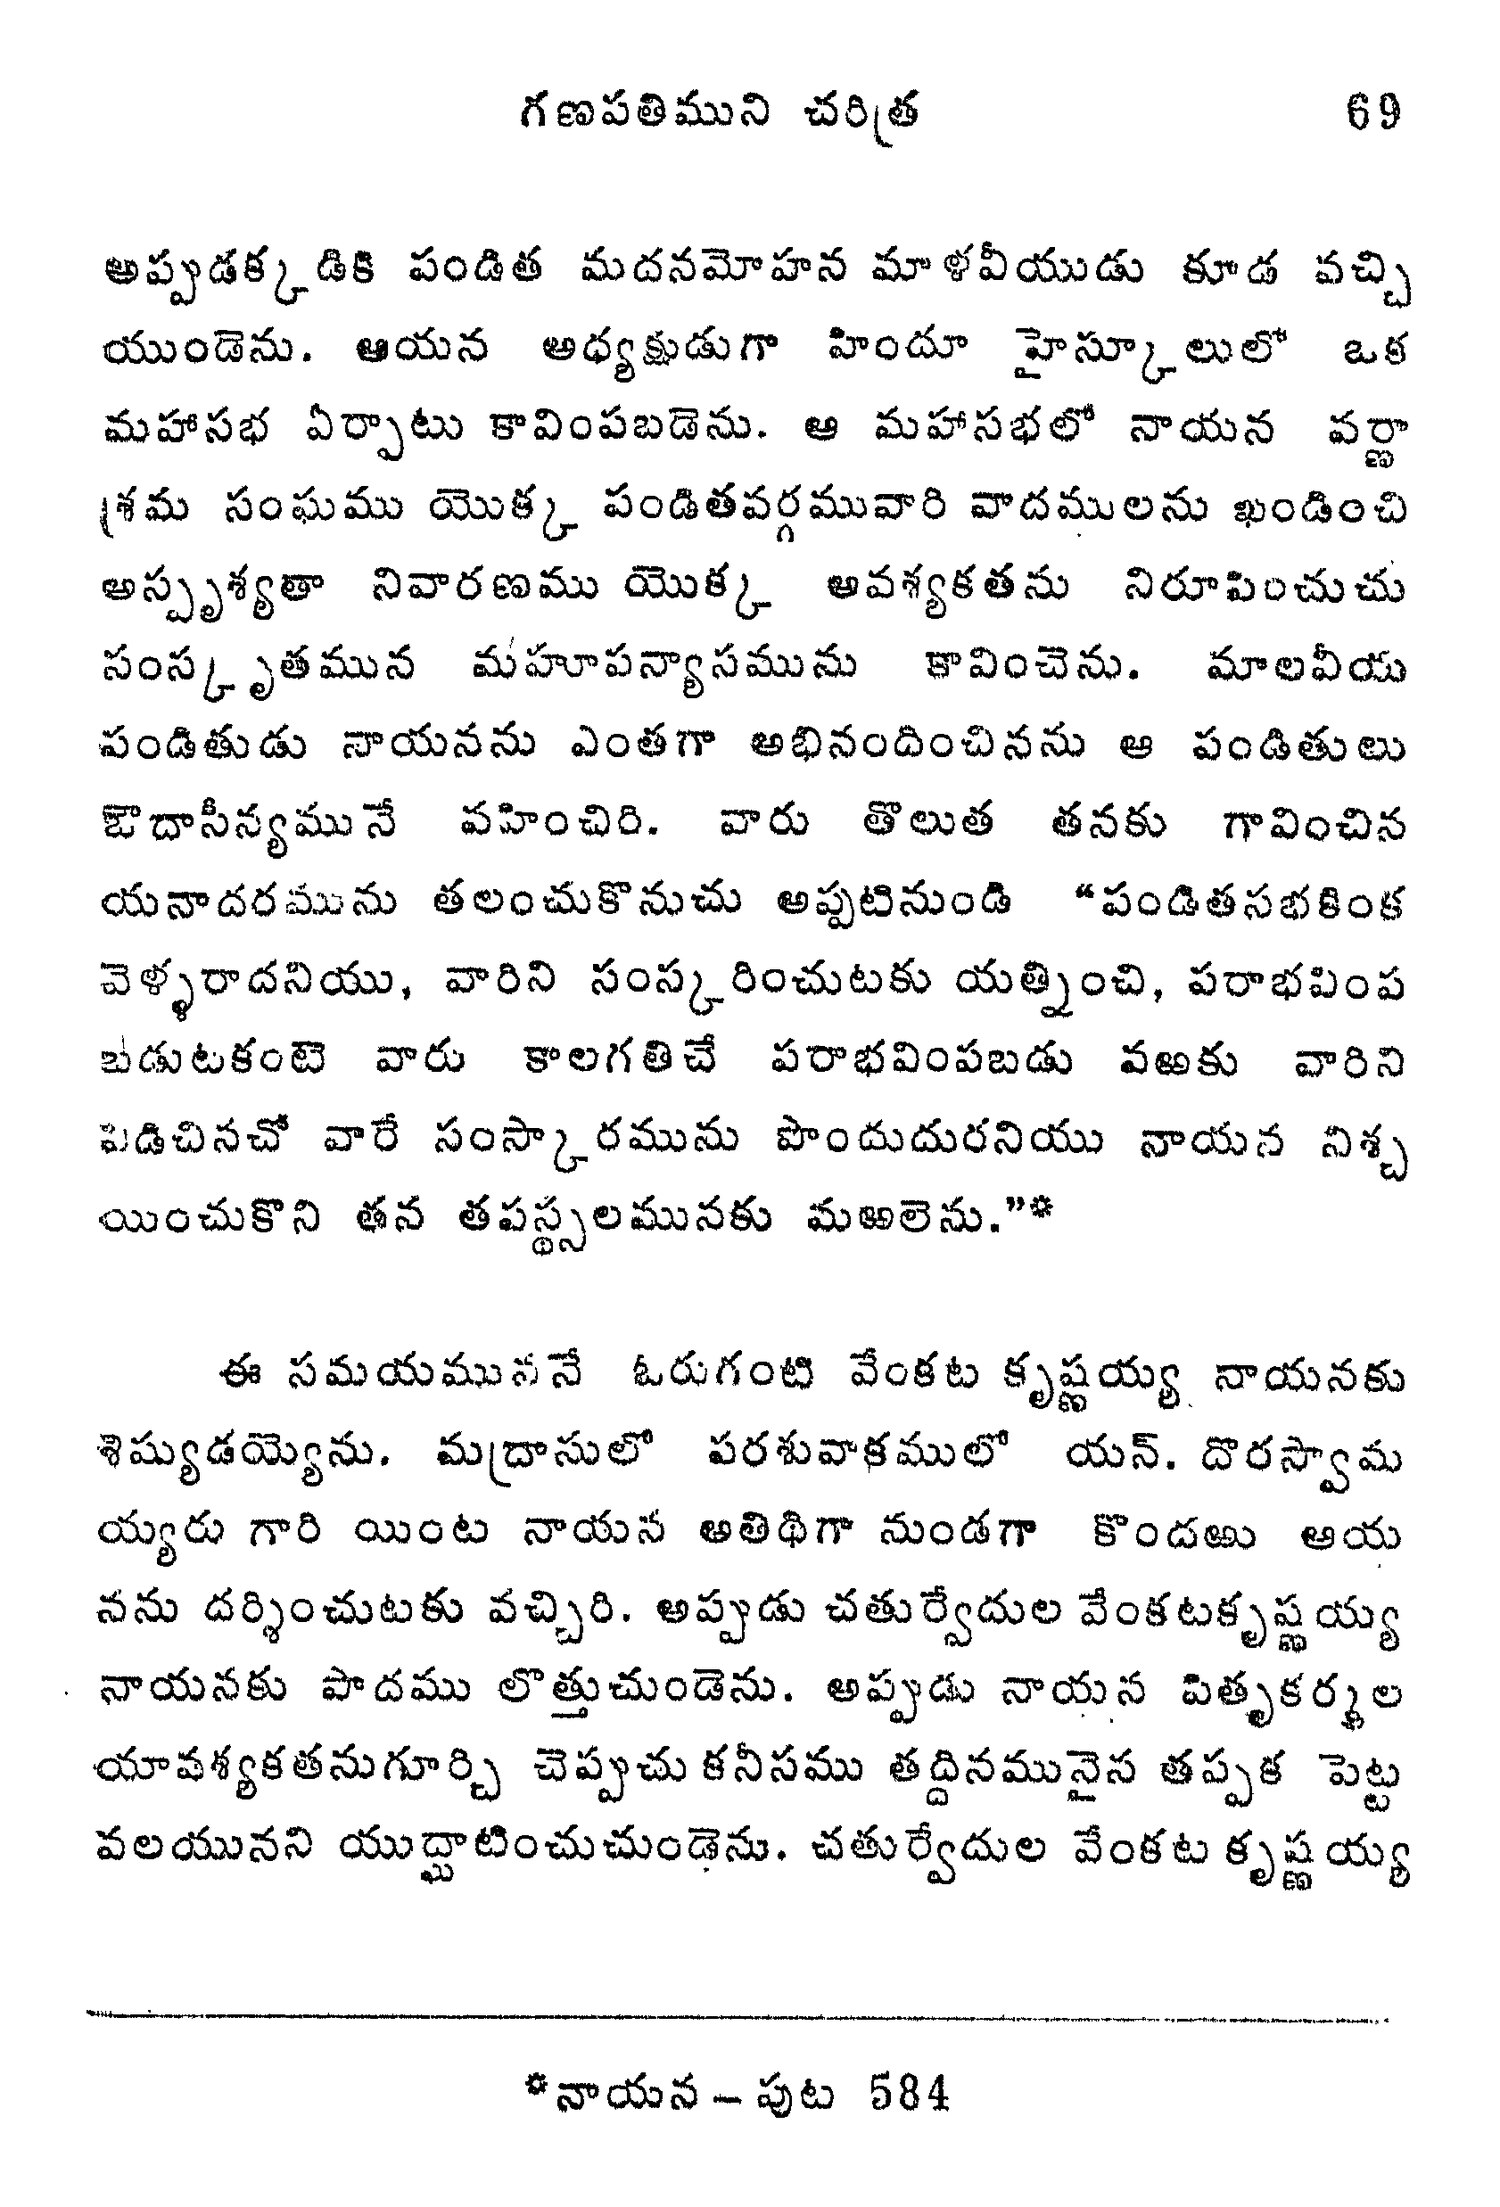అప్పుడక్కడికి పండిత మదనమోహన మాళవీయుడు కూడ వచ్చి యుండెను. ఆయన అధ్యక్షుడుగా హిందూ హైస్కూలులో ఒక మహాసభ ఏర్పాటు కావింపబడెను. ఆ మహాసభలో నాయన వర్ణాశ్రమ సంఘముయొక్క పండితవర్గమువారి వాదములను ఖండించి అస్పృశ్యతా నివారణము యొక్క అవశ్యకతను నిరూపించుచు సంస్కృతమున మహూపన్యాసమును కావించెను. మాలవీయ పండితుడు నాయనను ఎంతగా అభినందించినను ఆ పండితులు ఔదాసీన్యమునే వహించిరి. వారు తొలుత తనకు గావించిన యనాదరమును తలంచుకొనుచు అప్పటినుండి "పండితసభకింక వెళ్ళరాదనియు, వారిని సంస్కరించుటకు యత్నించి, పరాభవింప బడుటకంటె వారు కాలగతిచే పరాభవింపబడు వఱకు వారిని విడిచినచో వారే సంస్కారమును పొందుదురనియు నాయన నిశ్చయించుకొని తన తపస్థ్సలమునకు మఱలెను."

ఈ సమయముననే ఓరుగంటి వేంకట కృష్ణయ్య నాయనకు శిష్యుడయ్యెను. మద్రాసులో పరశువాకములో యన్. దొరస్వామయ్యరు గారి యింట నాయన అతిథిగా నుండగా కొందఱు ఆయనను దర్శించుటకు వచ్చిరి. అప్పుడు చతుర్వేదుల వేంకటకృష్ణయ్య నాయనకు పాదము లొత్తుచుండెను. అప్పుడు నాయన పితృకర్మల యావశ్యకతనుగూర్చి చెప్పుచు కనీసము తద్దినమునైన తప్పక పెట్టవలయునని యుద్ఘాటించుచుండెను. చతుర్వేదుల వేంకట కృష్ణయ్య